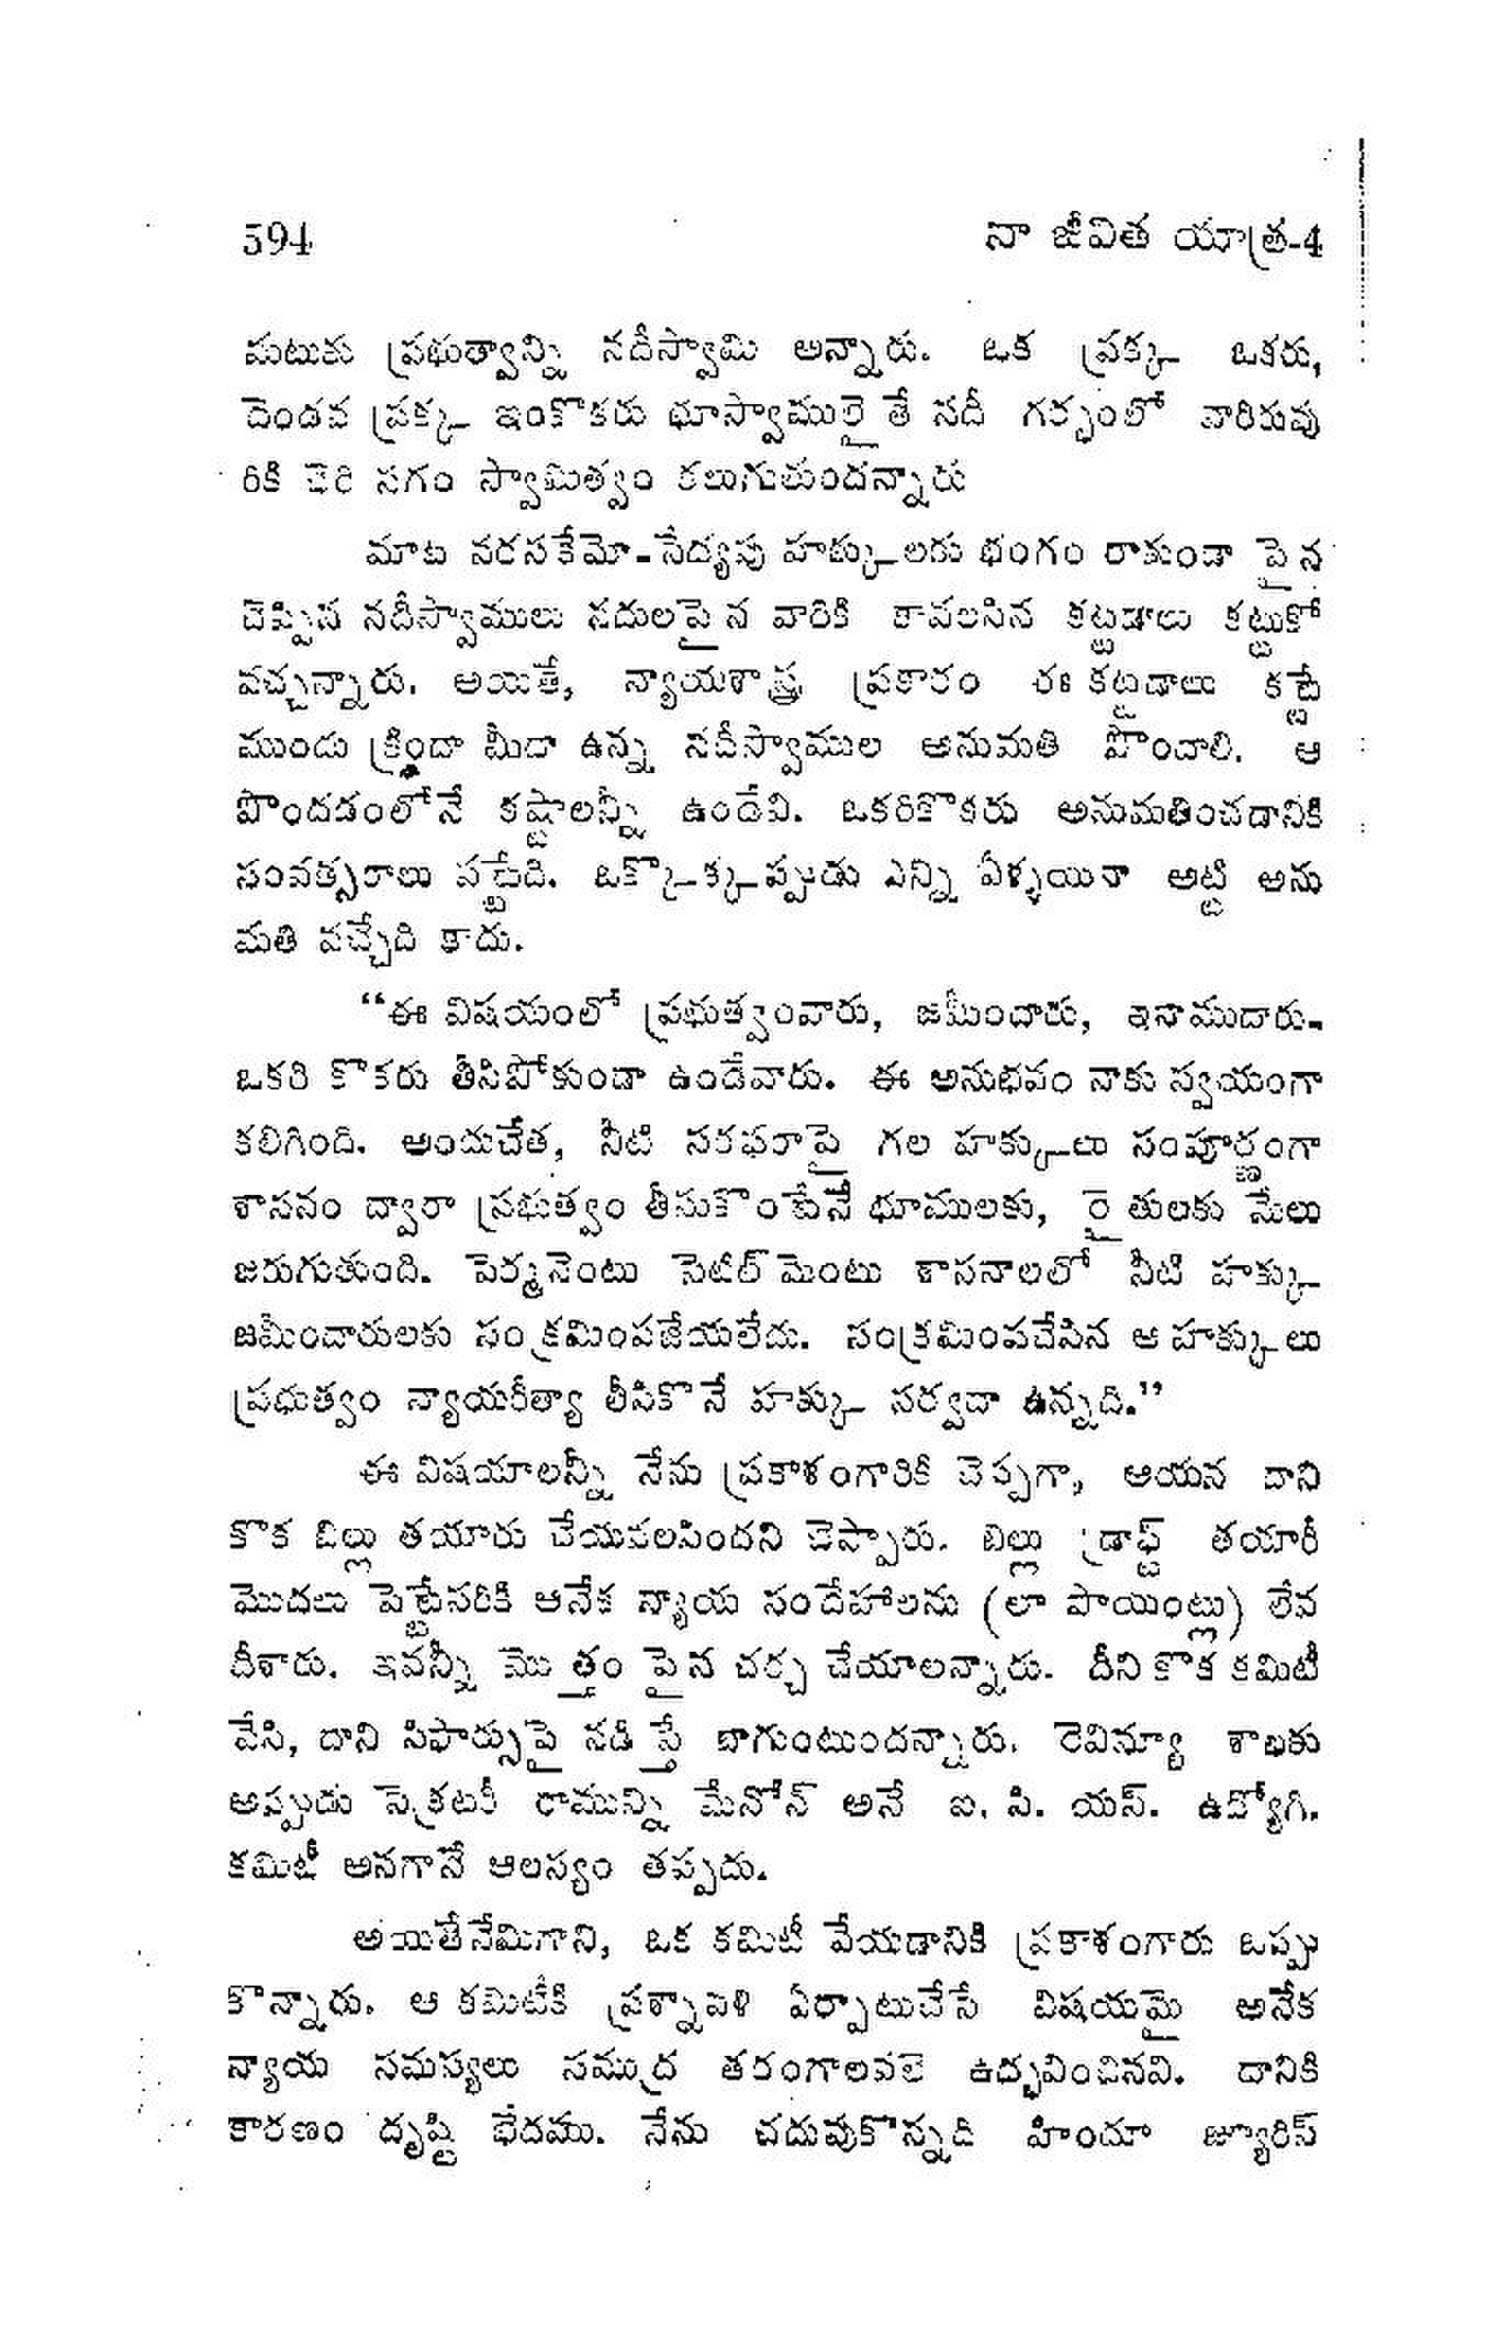మటుకు ప్రభుత్వాన్ని నదీస్వామి అన్నారు. ఒక ప్రక్క ఒకరు, రెండవ ప్రక్క ఇంకొకరు భూస్వాములైతే నదీ గర్భంలో వారిరువురికి చెరి సగం స్వామిత్వం కలుగుతుందన్నారు.

మాట వరసకేమో - సేద్యపు హక్కులకు భంగం రాకుండా పైన చెప్పిన నదీస్వాములు నదులపైన వారికి కావలసిన కట్టడాలు కట్టుకోవచ్చన్నారు. అయితే, న్యాయశాస్త్ర ప్రకారం ఈ కట్టడాలు కట్టేముందు క్రిందా మీదా ఉన్న నదీస్వాముల అనుమతి పొందాలి. ఆ పొందడంలోనే కష్టాలన్నీ ఉండేవి. ఒకరికొకరు అనుమతించడానికి సంవత్సరాలు పట్టేది. ఒక్కొక్కప్పుడు ఎన్ని ఏళ్ళయినా అట్టి అనుమతి వచ్చేది కాదు.

"ఈ విషయంలో ప్రభుత్వంవారు, జమీందారు, ఇనాముదారు - ఒకరి కొకరు తీసిపోకుండా ఉండేవారు. ఈ అనుభవం నాకు స్వయంగా కలిగింది. అందుచేత, నీటి సరఫరాపై గల హక్కులు సంపూర్ణంగా శాసనం ద్వారా ప్రభుత్వం తీసుకొంటేనే భూములకు, రైతులకు మేలు జరుగుతుంది. పెర్మనెంటు సెటిల్‌మెంటు శాసనాలలో నీటి హక్కు జమీందారులకు సంక్రమింపజేయలేదు. సంక్రమింపజేసిన ఆ హక్కులు ప్రభుత్వం న్యాయరీత్యా తీసికొనే హక్కు సర్వదా ఉన్నది."

ఈ విషయాలన్నీ నేను ప్రకాశంగారికి చెప్పగా, ఆయన దాని కొక బిల్లు తయారు చేయవలసిందని చెప్పారు. బిల్లు డ్రాప్ట్ తయారీ మొదలు పెట్టేసరికి అనేక న్యాయ సందేహాలను (లా పాయింట్లు) లేవదీశారు. ఇవన్నీ మొత్తం పైన చేయాలన్నారు. దీని కొక కమిటీవేసి, దాని సిపార్సుపై నడిస్తే బాగుంటుందన్నారు. రెవిన్యూ శాఖకు అప్పుడు సెక్రటరీ రామున్ని మేనోన్ అనే ఐ. సి. యస్. ఉద్యోగి - కమిటీ అనగానే ఆలస్యం తప్పదు.

అయితేనేమిగాని, ఒక కమిటీ వేయడానికి ప్రకాశంగారు ఒప్పుకొన్నారు. ఆ కమిటీకి ప్రశ్నావళి ఏర్పాటుచేసే విషయమై అనేక న్యాయ సమస్యలు సముద్ర తరంగాలవలె ఉద్భవించినవి. దానికి కారణం దృష్టి భేదము. నేను చదువుకొన్నది హిందూ జ్యూరిస్